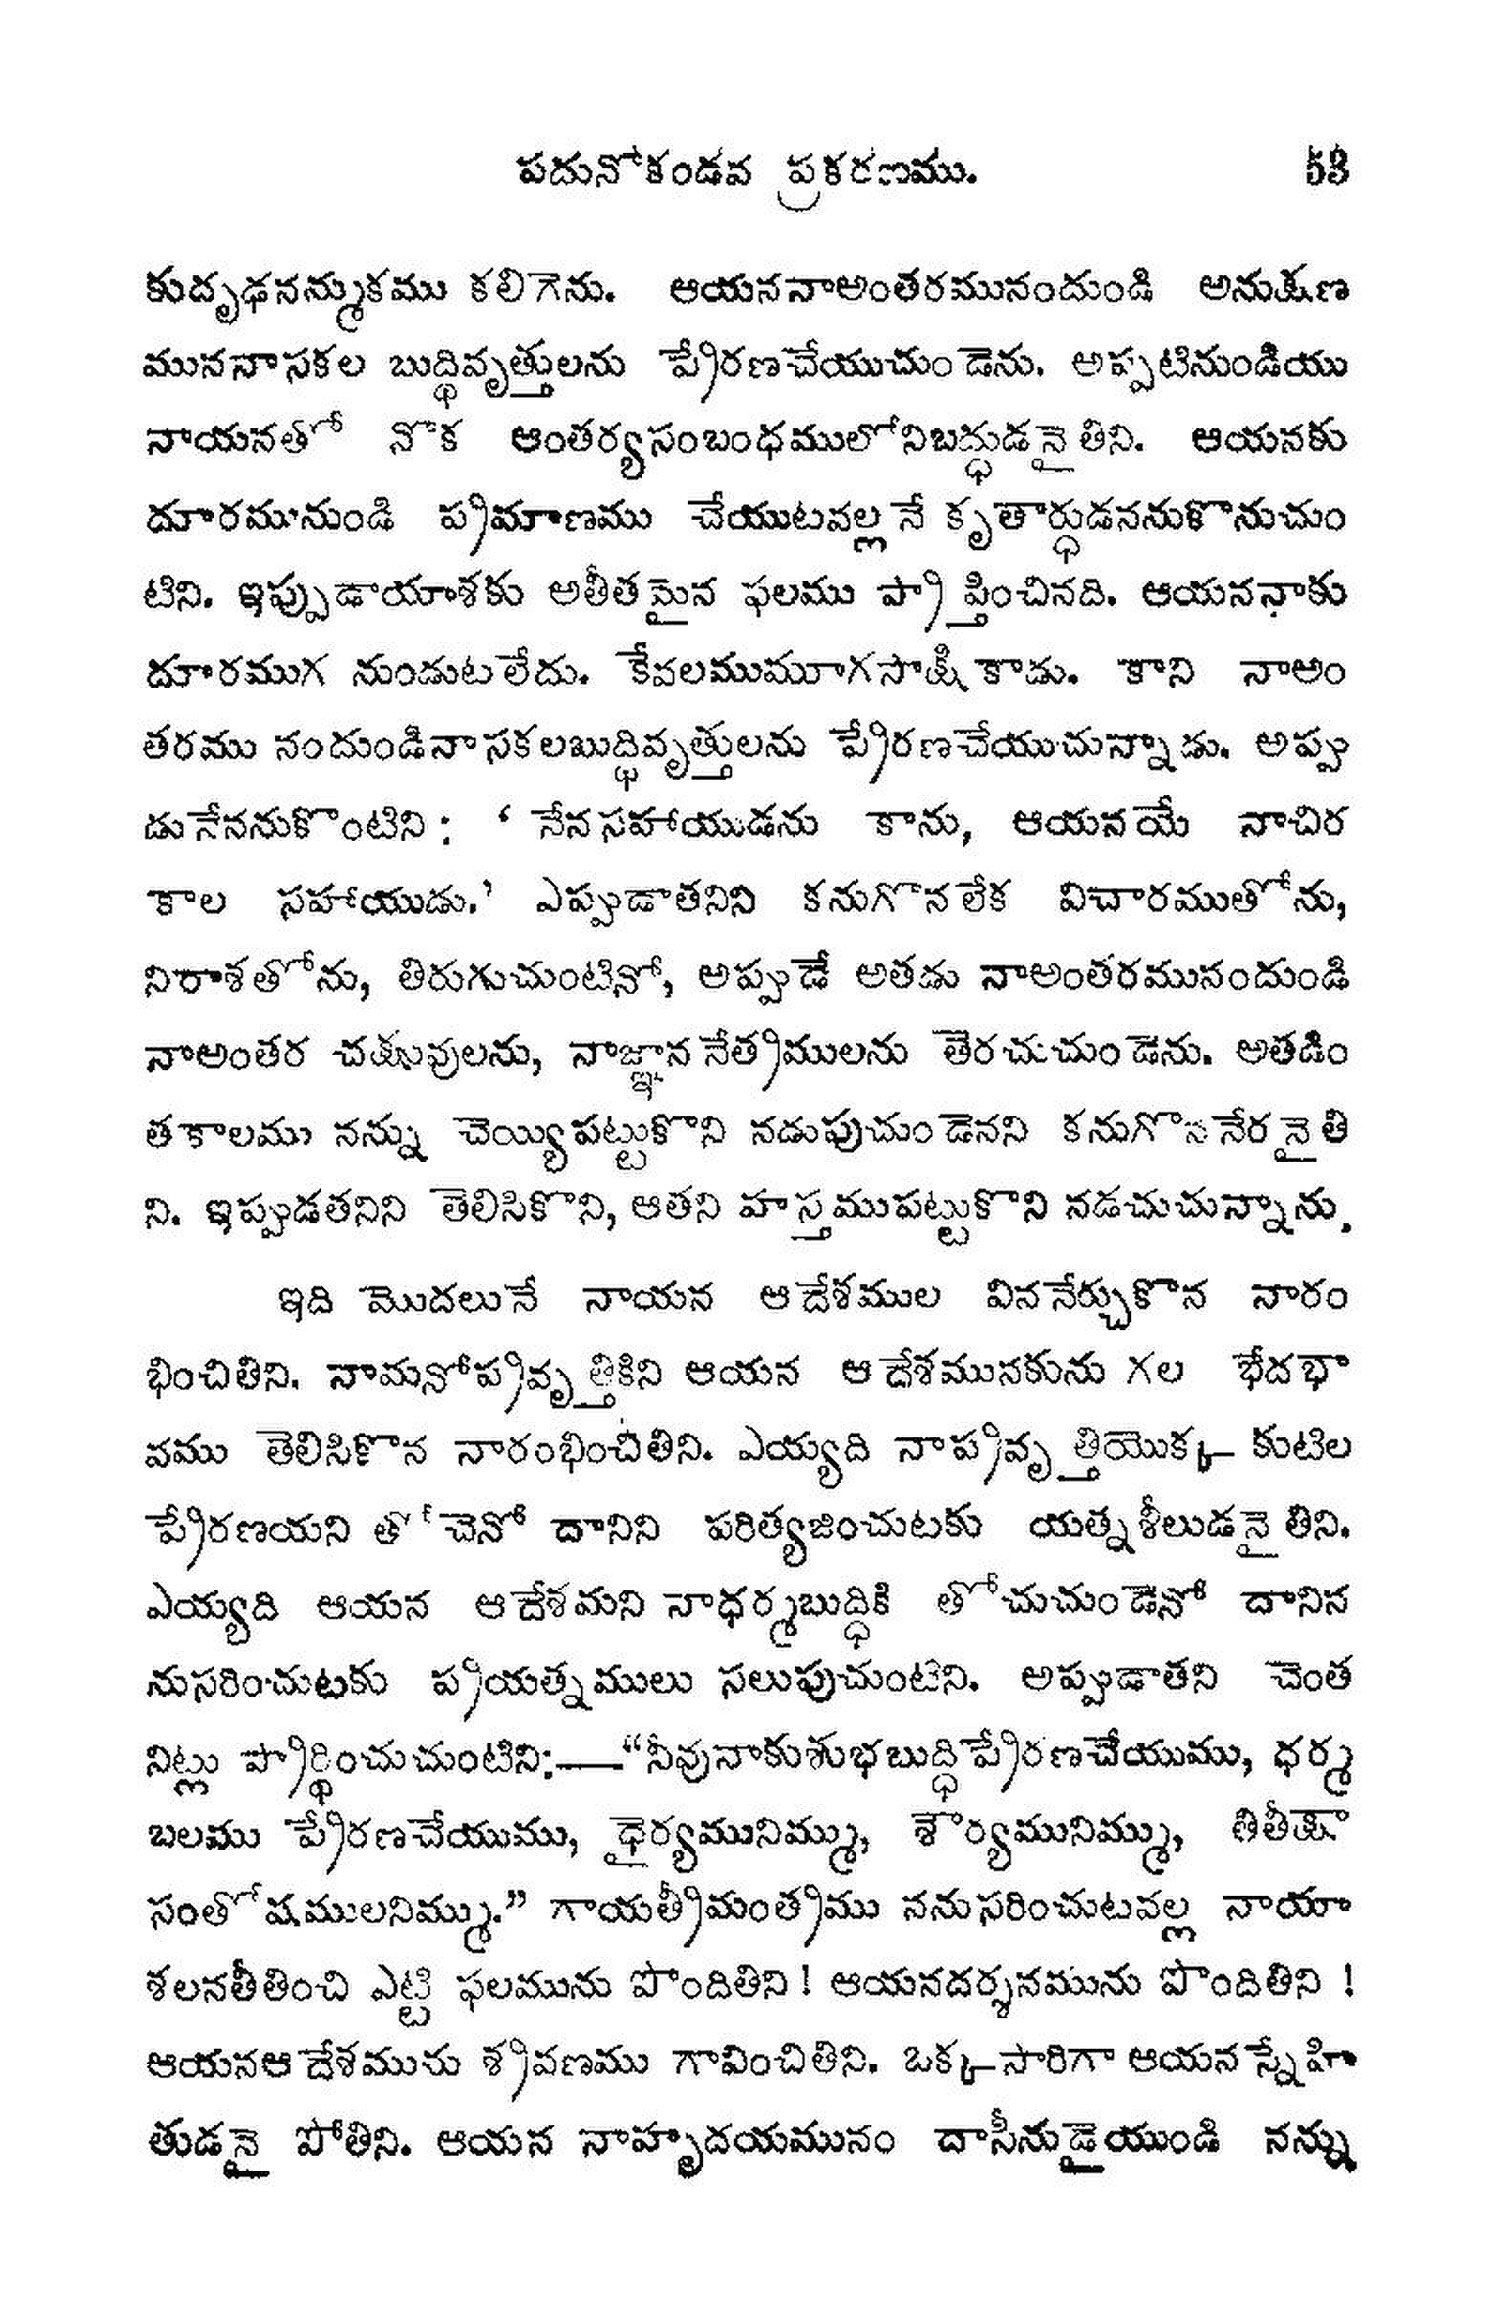కుదృఢనమ్ముకము కలిగెను. ఆయననా అంతరము నందుండి అనుక్షణ
మున నాసకల బుద్ధినృత్తులను ప్రేరణ చేయుచుండెను. అప్పటినుండియు
నాయనతో నొక ఆంతర్యసం బంధములో నిబద్ధుడ నైతిని.
దూరము నుండి ప్రమాణము చేయుటనల్ల నే కృతార్ధుడనను కొనుచుంటిని. ఇప్పుడాయాశకు అతీతమైన ఫలము ప్రాప్తించినది. ఆయన నాకు
దూరముగ నుండుట లేదు. కేవలముమూగసొక్షి కాడు. కాని నా అం
తరము నందుండినా సకలబుద్ధి వృత్తులను ప్రేరణ చేయుచున్నాడు. అప్పు
డు నేననుకొంటిని; “ నేన సహాయుడను కాను, ఆయనయే నాచిర
సహాయుడు. ఎప్పుడాతనిని కనుగొన లేక విచారముతోను,నిరాశతోను, తీరుగు 
చుంటినో, అప్పుడే అతడు నాఅంతరమునందుండి నాఅంతర చక్షువులను, 
నాజ్ఞాన నేత్రములను తెరచుచుండెను. అతడింతకాలము నన్ను చెయ్యి పట్టుకొని నడుపుచుండెనని కనుగొన నేర నైతిని. ఇప్పుడతనిని తెలిసికొని, అతని హస్తము
పట్టుకొని నడచుచున్నాను.

ఇది మొదలు నే నాయన ఆదేశముల వీన నేర్చుకొన నారంభించితిని, నామనో ప్రవృత్తికినీ ఆయన ఆ దేశమునకును గల భేద భావము తెలిసికొన నారంభించితిని. ఎయ్యది నాప్రవృత్తి యొక్క కుటిల ప్రేరణయని తోచెనో దానిని పరిత్యజించుటకు యత్న శీలుడ నైతిని.ఎయ్యది ఆయన ఆ దేశమని సౌధర్మబుద్ధికి తోచుచుండెనో దానిస
నుసరించుటకు ప్రయత్నములు సలుపుచుంటిని. అప్పుడాతని చెంత నీట్లు సాధించుచుంటిని – “నీవు నాకు శుభబుద్ది ప్రేరణచేయుము, బలము "ప్రేరణ చేయుము, ధైర్యమునిమ్ము, శౌర్యమునిమ్ము,తితిక్షా-సంతోషములనిమ్ము.” గాయత్రీమంత్రము నను సరించుటవల్ల నాయాశలనతీతించి ఎట్టి ఫలమును పొందితిని ! ఆయనదర్శనమును పొందితిని !ఆయన ఆ దేశమును శ్రవణము గావించితిని. ఒక్కసారిగా ఆయన స్నేహి
తుడనై పోతిని. ఆయన 'నాహృదయమునం దాసీనుడైయుండి నన్ను